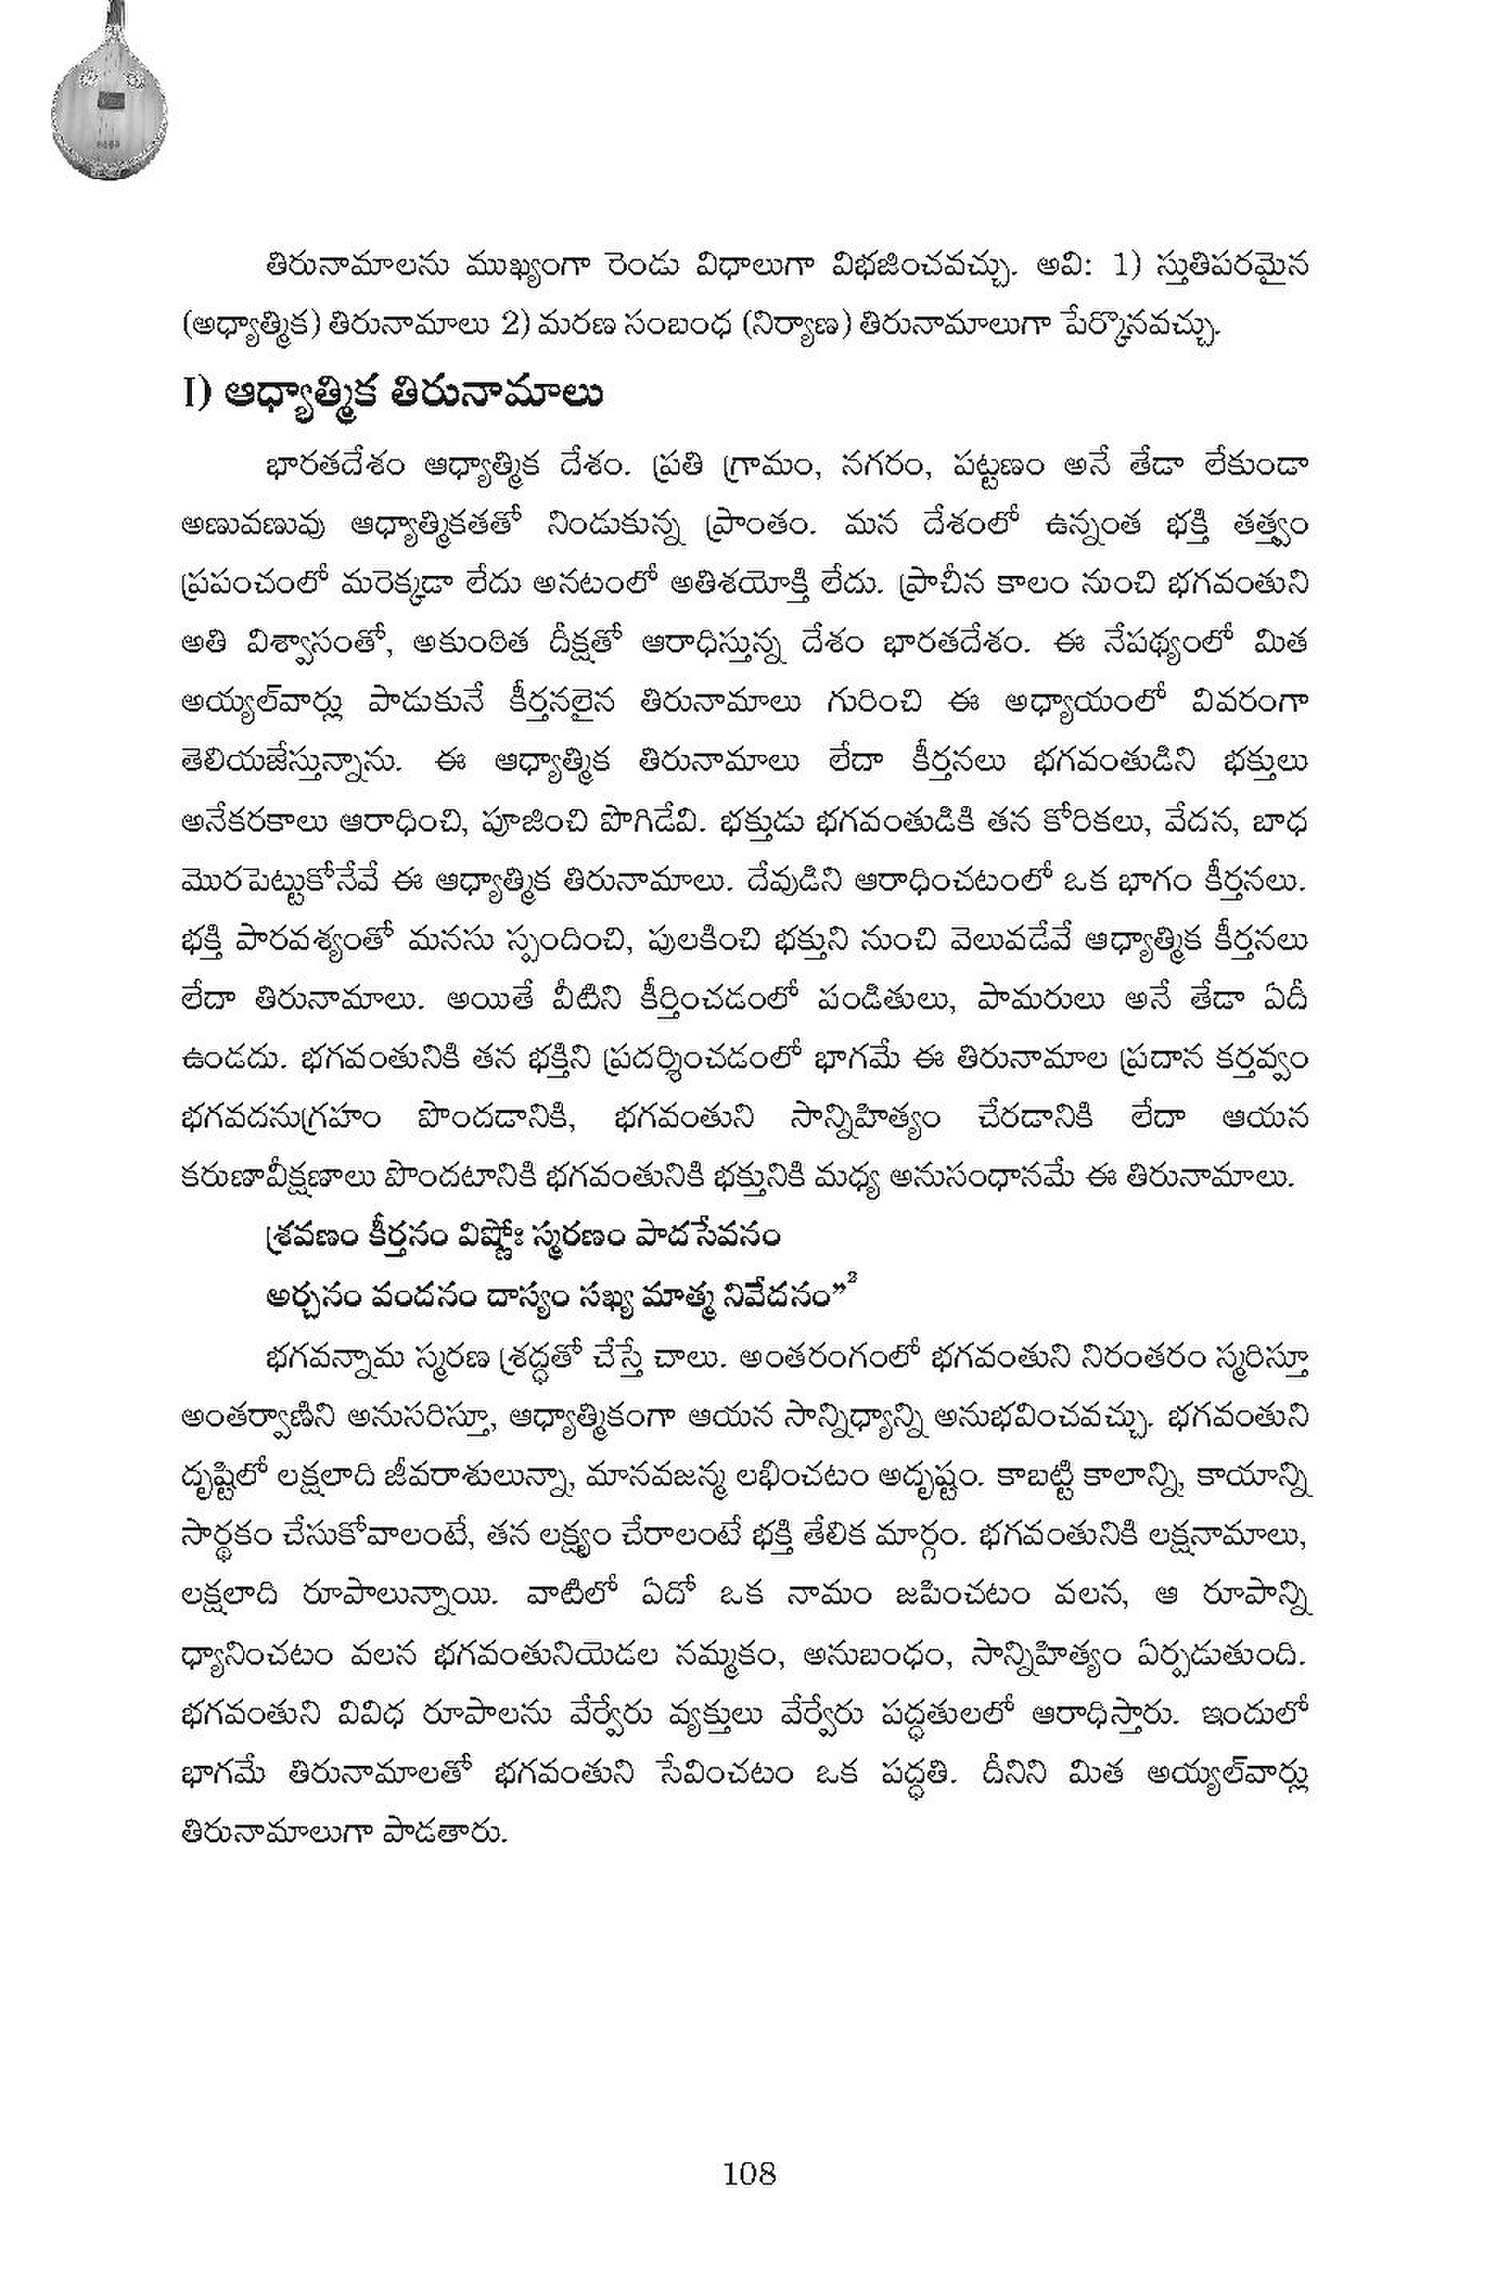తిరునామాలను ముఖ్యంగా రెండు విధాలుగా విభజించవచ్చు. అవి: 1) స్తుతిపరమైన
(అధ్యాత్మిక) తిరునామాలు 2) మరణ సంబంధ (నిర్యాణ) తిరునామాలుగా పేర్కొనవచ్చు.

1) ఆధ్యాత్మిక తిరునామాలు 

భారతదేశం ఆధ్యాత్మిక దేశం. ప్రతి గ్రామం, నగరం, పట్టణం అనే తేడా లేకుండా అణువణువు ఆధ్యాత్మికతతో నిండుకున్న ప్రాంతం. మన దేశంలో ఉన్నంత భక్తి తత్త్వం ప్రపంచంలో మరెక్కడా లేదు అనటంలో అతిశయోక్తి లేదు. ప్రాచీన కాలం నుంచి భగవంతుని అతి విశ్వాసంతో, అకుంఠిత దీక్షతో ఆరాధిస్తున్న దేశం భారతదేశం. ఈ నేపథ్యంలో మిత అయ్యల్వార్లు పాడుకునే కీర్తనలైన తిరునామాలు గురించి ఈ అధ్యాయంలో వివరంగా తెలియజేస్తున్నాను. ఈ ఆధ్యాత్మిక తిరునామాలు లేదా కీర్తనలు భగవంతుడిని భక్తులు అనేకరకాలు ఆరాధించి, పూజించి పొగిడేవి. భక్తుడు భగవంతుడికి తన కోరికలు, వేదన, బాధ మొరపెట్టుకోనేవే ఈ ఆధ్యాత్మిక తిరునామాలు. దేవుడిని ఆరాధించటంలో ఒక భాగం కీర్తనలు. భక్తి పారవశ్యంతో మనసు స్పందించి, పులకించి భక్తుని నుంచి వెలువడేవే ఆధ్యాత్మిక కీర్తనలు లేదా తిరునామాలు. అయితే వీటిని కీర్తించడంలో పండితులు, పామరులు అనే తేడా ఏదీ ఉండదు. భగవంతునికి తన భక్తిని ప్రదర్శించడంలో భాగమే ఈ తిరునామాల ప్రదాన కర్తవ్యం భగవదనుగ్రహం పొందడానికి, భగవంతుని సాన్నిహిత్యం చేరడానికి లేదా ఆయన కరుణావీక్షణాలు పొందటానికి భగవంతునికి భక్తునికి మధ్య అనుసంధానమే ఈ తిరునామాలు.

శ్రవణం కీర్తనం విష్ణోః స్మరణం పాదసేవనం
అర్చనం వందనం దాస్యం సఖ్యమాత్మ నివేదనం”2

భగవన్నామ స్మరణ శ్రద్ధతో చేస్తే చాలు. అంతరంగంలో భగవంతుని నిరంతరం స్మరిస్తూ అంతర్వాణిని అనుసరిస్తూ, ఆధ్యాత్మికంగా ఆయన సాన్నిధ్యాన్ని అనుభవించవచ్చు. భగవంతుని దృష్టిలో లక్షలాది జీవరాశులున్నా, మానవజన్మ లభించటం అదృష్టం. కాబట్టి కాలాన్ని, కాయాన్ని సార్థకం చేసుకోవాలంటే, తన లక్ష్యం చేరాలంటే భక్తి తేలిక మార్గం. భగవంతునికి లక్షనామాలు, లక్షలాది రూపాలున్నాయి. వాటిలో ఏదో ఒక నామం జపించటం వలన, ఆ రూపాన్ని ధ్యానించటం వలన భగవంతునియెడల నమ్మకం, అనుబంధం, సాన్నిహిత్యం ఏర్పడుతుంది. భగవంతుని వివిధ రూపాలను వేర్వేరు వ్యక్తులు వేర్వేరు పద్ధతులలో ఆరాధిస్తారు. ఇందులో భాగమే తిరునామాలతో భగవంతుని సేవించటం ఒక పద్ధతి. దీనిని మిత అయ్యల్వార్లు తిరునామాలుగా పాడతారు.